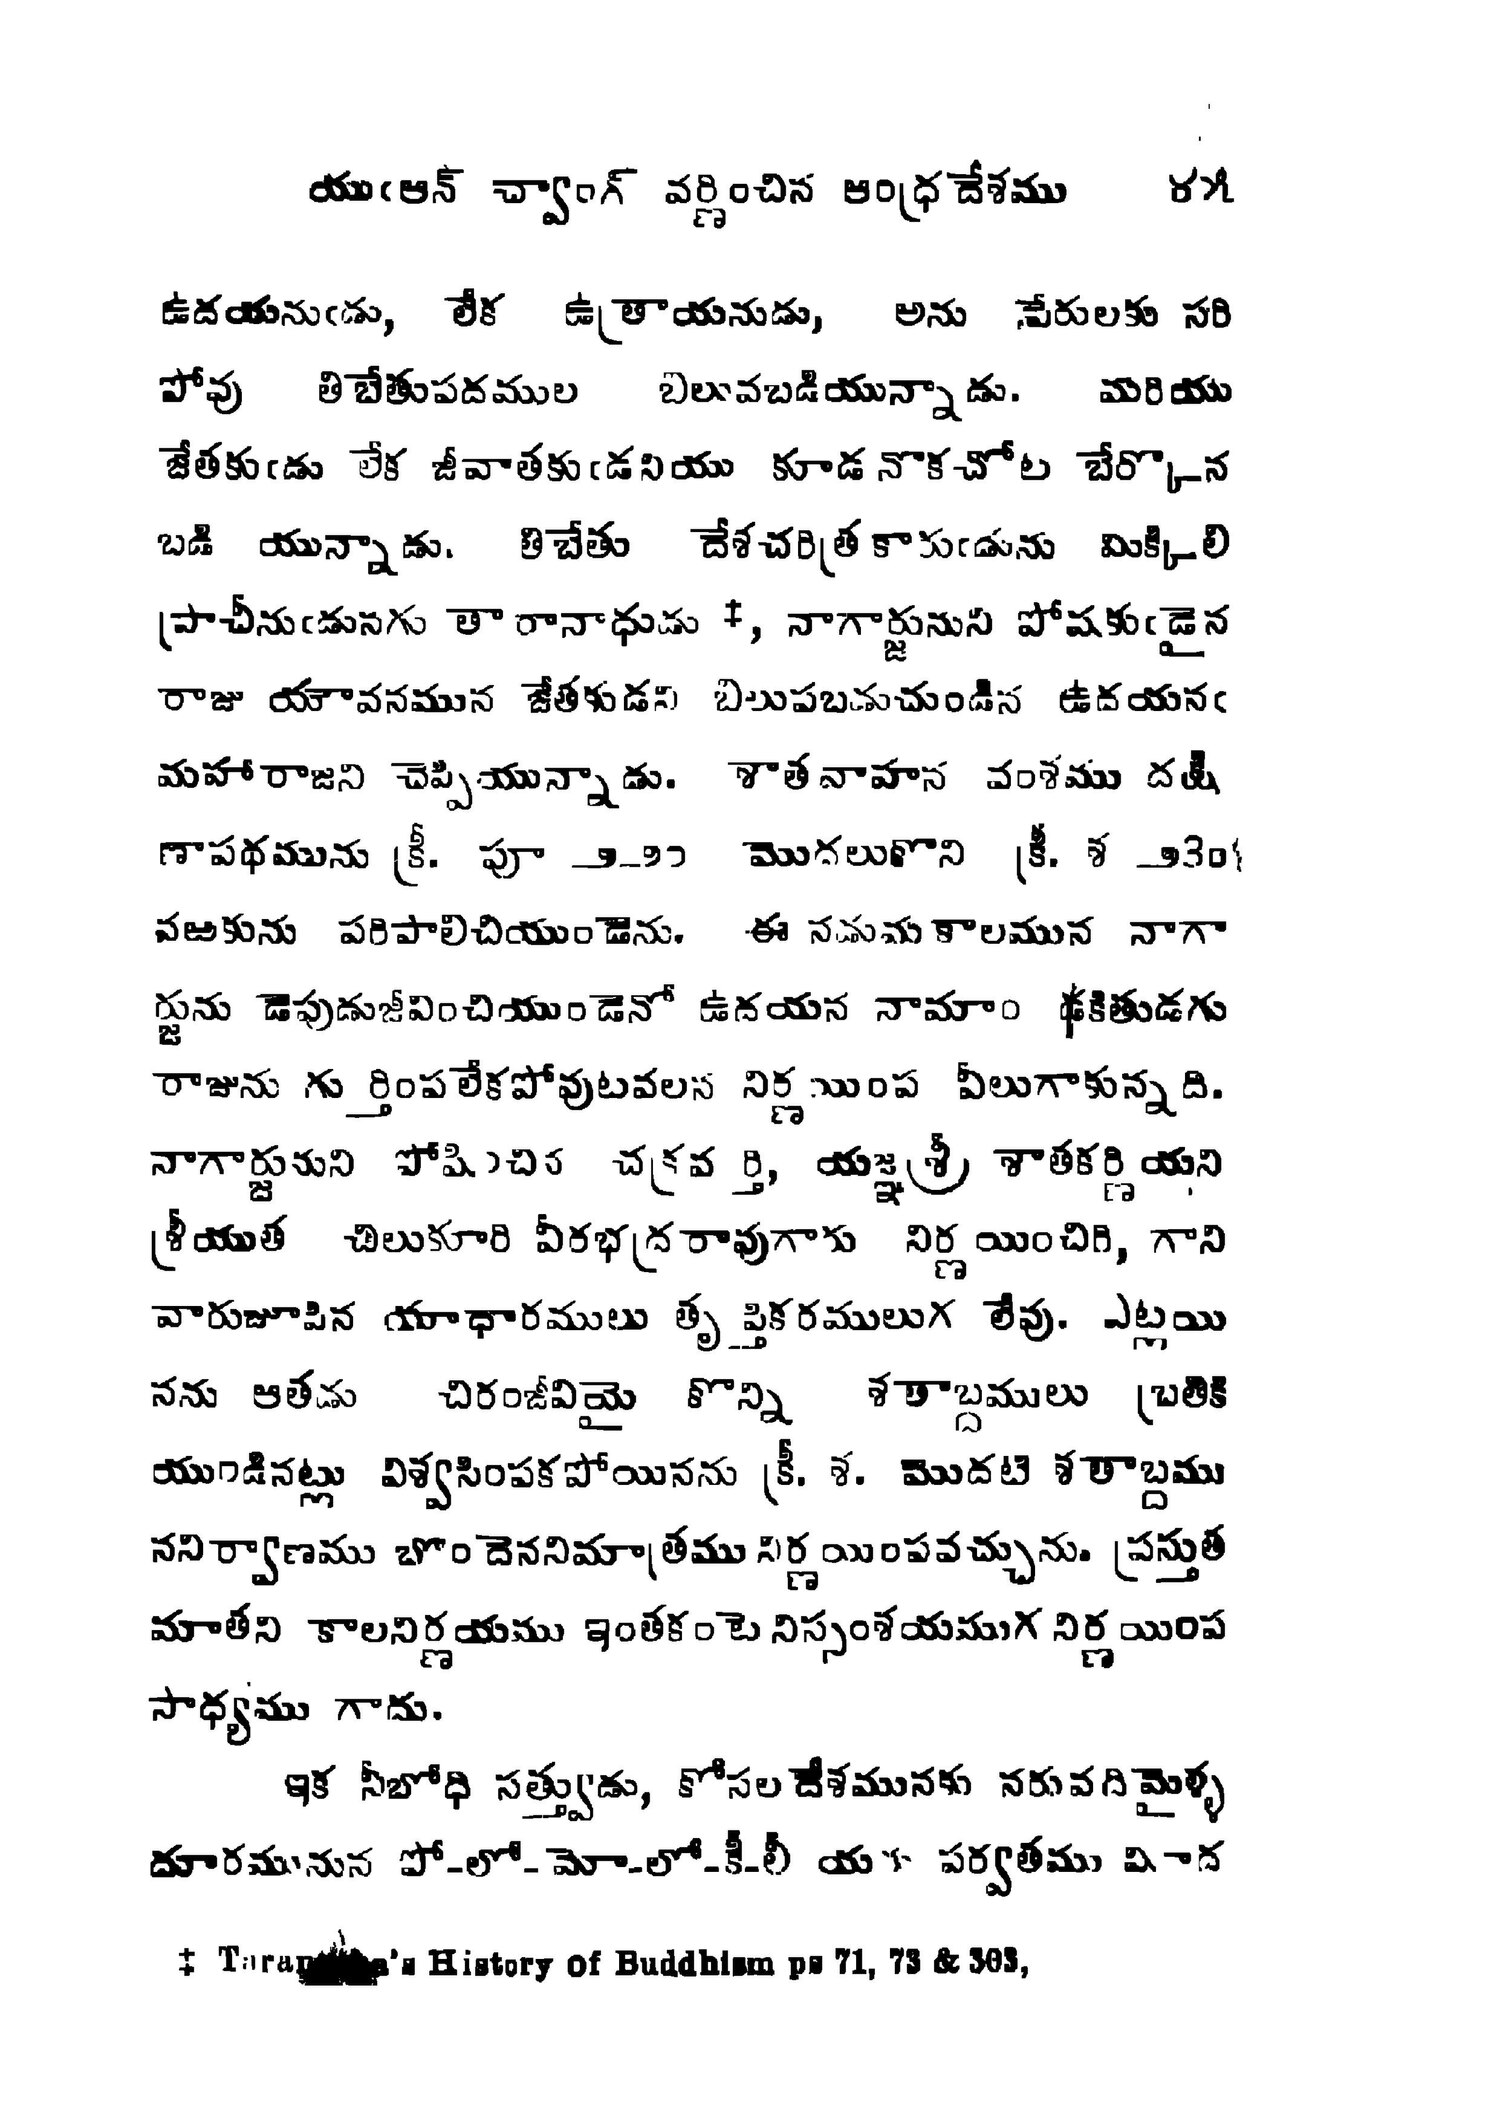ఉదయనుడు, లేక ఉత్రాయనుడు, అను పేరులకు సరిపోవు తిబేతుపదముల బిలువబడియున్నాడు. మరియు జేతకుడు లేక జీవాతకుడనియు కూడ నొకచోట బేర్కొనబడి యున్నాడు. తిబేతు దేశచరిత్రకారుడును మిక్కిలి ప్రాచీనుడునగు తారానాధుడు, నాగార్జునుని పోషకుడైన రాజు యౌవనమున జేతకుడని బిలువబడుచుండిన ఉదయన మహారాజని చెప్పియున్నాడు. శాతవాహన వంశము దక్షిణాపథమున క్రీ. పూ 220 మొదలుకొని క్రీ. శ.230 వఱకును పరిపాలిచియుండెను. ఈ నడుమ కాలమున నాగార్జును డెపుడుజీవించియుండెనో ఉదయన నామాం కితుడగు రాజును గుర్తింపలేకపోవుటవలన నిర్ణయింప వీలుగాకున్నది. నాగార్జునుని పోషించిన చక్రవర్తి, యజ్ఞశ్రీ శాతకర్ణి యని శ్రీయుత చిలుకూరి వీరభద్రరావుగారు నిర్ణయించిరి, గాని వారుజూపిన యాధారములు తృప్తికరములుగ లేవు. ఎట్లయినను ఆతడు చిరంజీవియై కొన్ని శతాబ్దములు బ్రతికి యుండినట్లు విశ్వసింపకపోయినను క్రీ. శ. మొదటి శతాబ్దమున నిర్వాణము బొందెననిమాత్రము నిర్ణయింపవచ్చును. ప్రస్తుత మాతని కాలనిర్ణయము ఇంతకంటె నిస్సంశయముగ నిర్ణయింప సాధ్యము గాదు.

ఇక నీబోధి సత్త్వుడు, కోసలదేశమునకు నరువదిమైళ్ళ దూరమునున పో-లో-మో-లో-కీ-లీ యను పర్వతము మీద